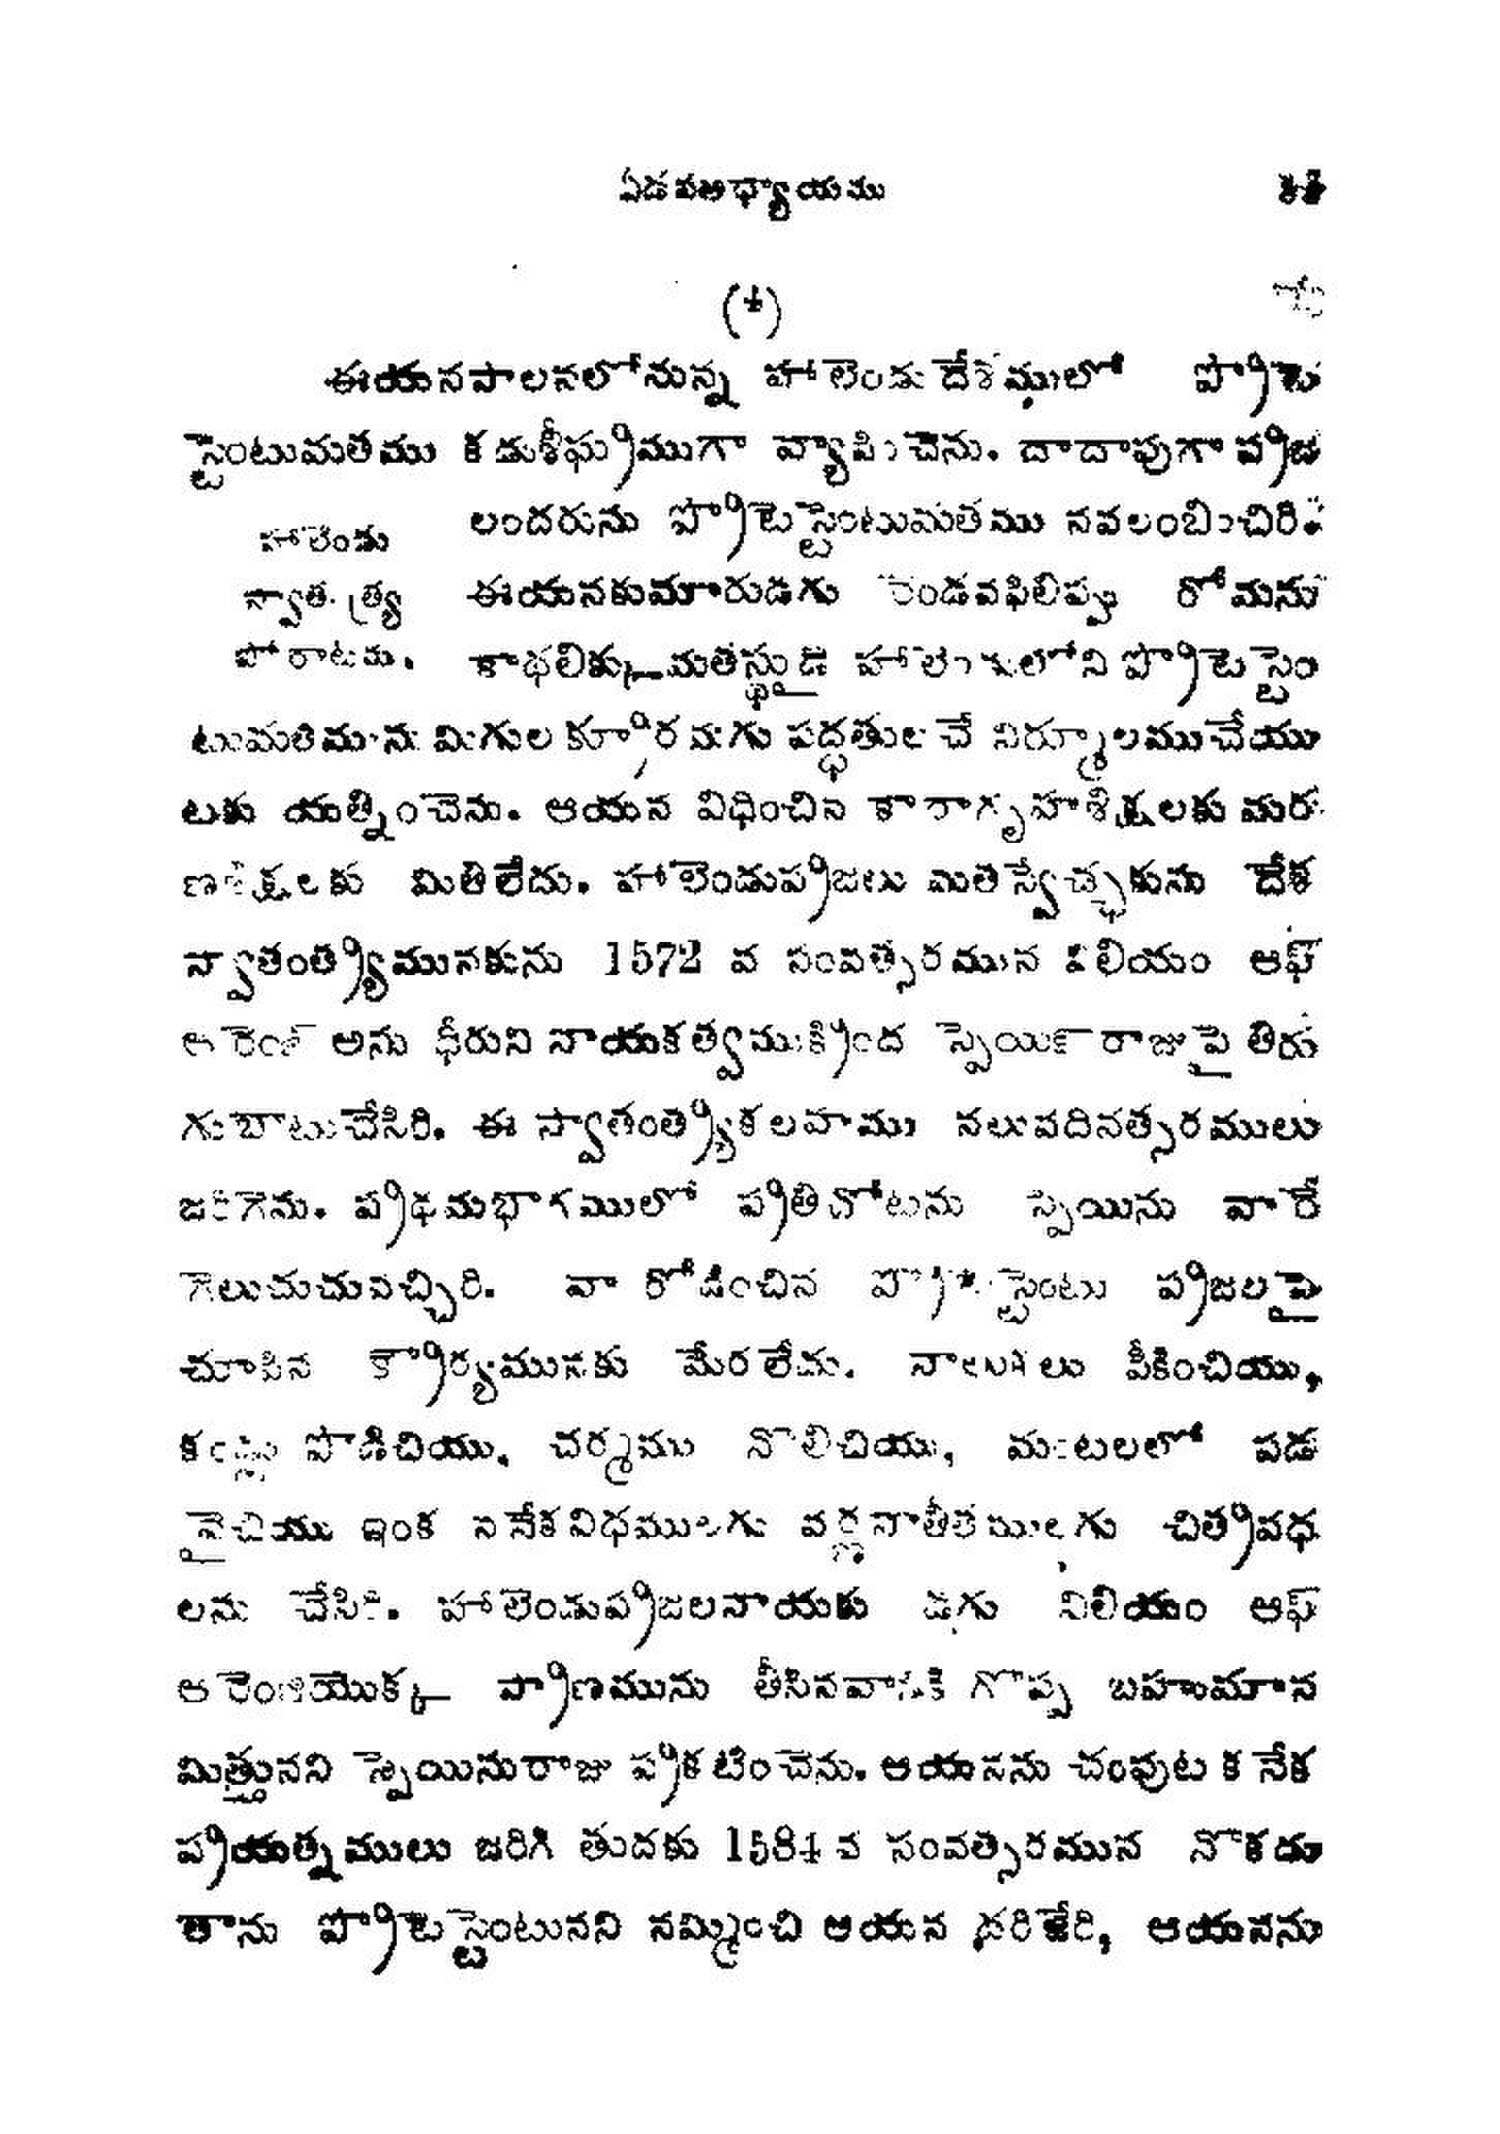హా లెండు స్వాతంత్ర
పోరాటము,

ఈయన పాలనలోనున్న హాలెండు దేశములో ప్రొట
స్టెంటుమతము కడు శీఘ్రముగా వ్యాపి చెను. దాదాపుగా ప్రజ
లందరును ప్రొటెస్టెంటు మతము నవలంబించిరి.
ఈయనకుమారుడగు 'రెండవ ఫిలిప్పు రోమనుకాథలిక్కు మతస్థుడై
హాలెండు లోని ప్రొటెస్టెంటు మతమును మిగుల క్రూరమగు పద్ధతులుచే 
నిర్మూలము చేయుటకు యత్నించెను. ఆయన విధించిన 
కారాగృహశిక్షలకు మరణ శిక్షలకు మితి లేదు. హాలెండు ప్రజలు 
మత స్వేచ్ఛకుసు దేశస్వాతంత్యమునకును 1572 వ సంవత్సరమున 
విలియం ఆఫ్ ఆరెంజ్అను ధీరుని నాయకత్వము క్రింద 'స్పెయిన్ 
రాజు పై తిరుగు బాటు చేసిరి. ఈ స్వాతంత్ర్య కలహములు 
పదిసంవత్సరములుజరిగెను. ప్రథమభాగములో ప్రతి చోటను 
స్పెయిను వారేగెలుచుచు వచ్చిరి. వారి నోడించిన ప్రొస్టెంసెంటు 
ప్రజలపైచూపిన క్రౌర్యమునకు మేర లేదు. నాలుకులు పీకించియు,
కండ్లు పొణిచియు, చర్మము నొలిచియు, మంటలలో పడ
వైచియు ఇంక సనేక విధములగు వర్ణనాతీత ములగు చిత్రవధ
వధలను చేసిరి.. హాలెండు ప్రజల నాయకుడు విలియం ఆఫ్
ఆరెంజి యొక్క ప్రాణమును తీసినవారికి గొప్ప బహుమాన
మిత్తునని స్పెయిసు రాజు ప్రకటించెను. ఆయనను చంపుట కనేక
ప్రయత్నములు జరిగి తుదకు 1581 వ సంవత్సరమున నొకడు
తాను ప్రొటస్టెంటునని నమ్మించి ఆయన దరిజేరి, ఆయనను